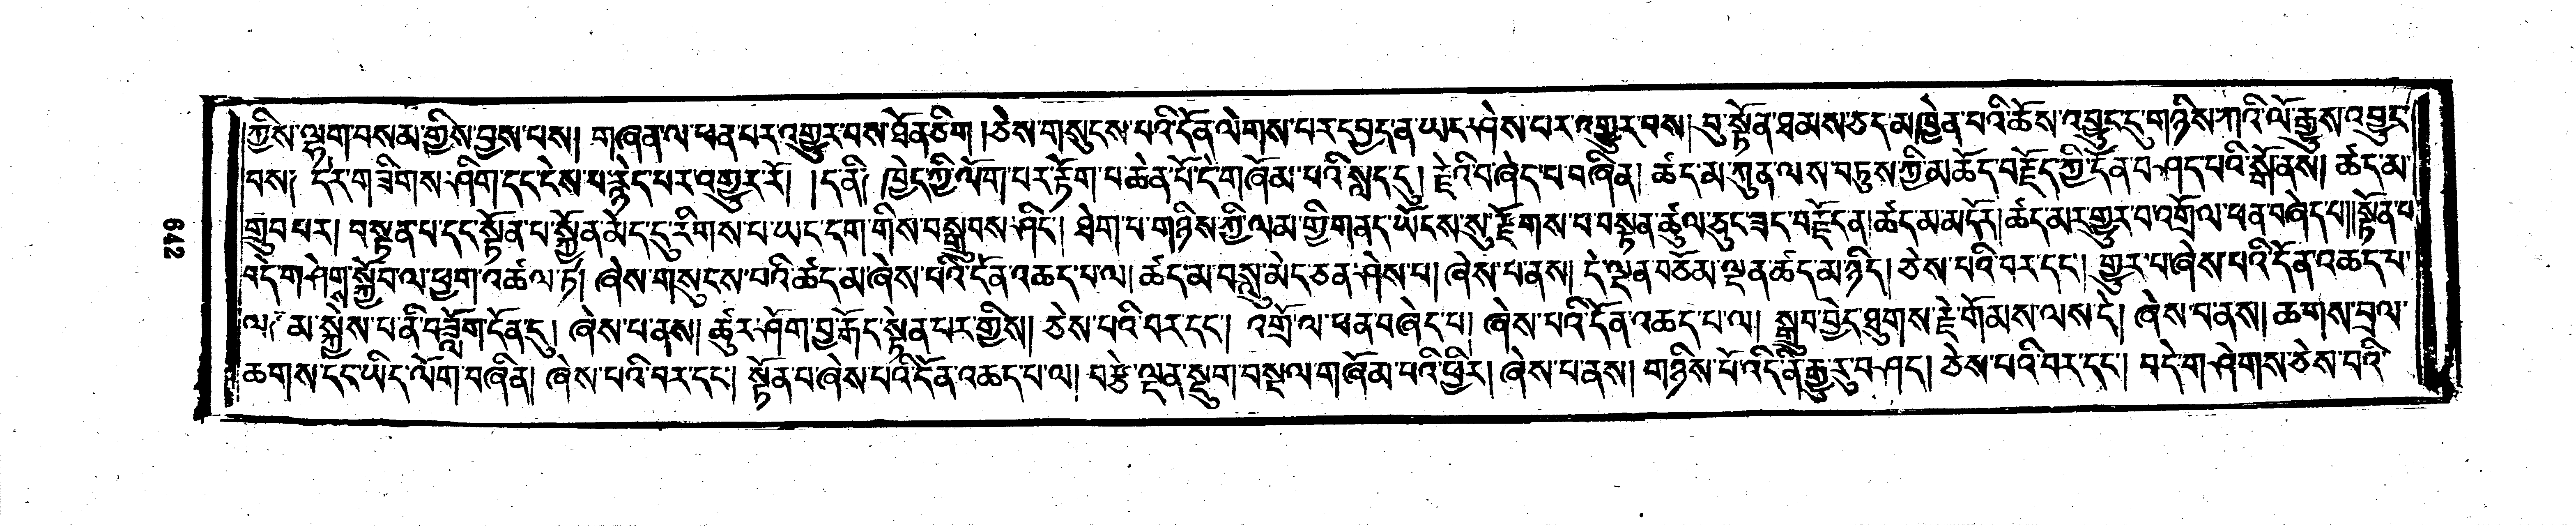ཀྱིས་ལྷག་བསམ་གྱིས་བྱས་པས། གཞན་ལ་ཕན་པར་འགྱུར་བས་ཐོན་ཅིག །ཅེས་གསུངས་པའི་དོན་ལེགས་པར་དཔྱད་ན་ཡང་ཤེས་པར་འགྱུར་བས། བུ་སྟོན་ཐམས་ཅད་མཁྱེན་པའི་ཆོས་འབྱུང་དུ་གཉིས་ཀའི་ལོ་རྒྱུས་འབྱུང་
བས༑ དེར་གཟིགས་ཤིག་དང་ངེས་པ་རྙེད་པར་འགྱུར་རོ། །ད་ནི། ཁྱེད་ཀྱི་ལོག་པར་རྟོག་པ་ཆེན་པོ་དེ་གཞོམ་པའི་སླད་དུ། རྗེའི་བཞེད་པ་བཞིན། ཚད་མ་ཀུན་ལས་བཏུས་ཀྱི་མཆོད་བརྗོད་ཀྱི་དོན་བཤད་པའི་སྒོ་ནས། ཚད་མ་
གྲུབ་པར། བསྟན་པ་དང་སྟོན་པ་སྐྱོན་མེད་དུ་རིགས་པ་ཡང་དག་གིས་བསྒྲུབས་ཤིང་། ཐེག་པ་གཉིས་ཀྱི་ལམ་གྱི་གནད་ཡོངས་སུ་རྫོགས་པ་བསྟན་ཚུལ་ཅུང་ཟད་བརྗོད་ན། ཚད་མ་མདོར། ཚད་མར་གྱུར་པ་འགྲོ་ལ་ཕན་བཞེད་པ། །སྟོན་པ་
བདེ་གཤེགས་སྐྱོབ་ལ་ཕྱག་འཚལ་ཏེ། ཞེས་གསུངས་པའི་ཚད་མ་ཞེས་པའི་དོན་འཆད་པ་ལ། ཚད་མ་བསླུ་མེད་ཅན་ཤེས་པ། ཞེས་པ་ནས། དེ་ལྡན་བཅོམ་ལྡན་ཚད་མ་ཉིད། ཅེས་པའི་བར་དང་། གྱུར་པ་ཞེས་པའི་དོན་འཆད་པ་
ལ༑ མ་སྐྱེས་པ་ནི་བཟློག་དོན་དུ། ཞེས་པ་ནས། ཚུར་ཤོག་བྱ་རྒོད་སྟེན་པར་གྱིས། ཅེས་པའི་བར་དང་། འགྲོ་ལ་ཕན་བཞེད་པ། ཞེས་པའི་དོན་འཆད་པ་ལ། སྒྲུབ་བྱེད་ཐུགས་རྗེ་གོམས་ལས་དེ། ཞེས་པ་ནས། ཆགས་བྲལ་
ཆགས་དང་ཡིད་ལོག་བཞིན། ཞེས་པའི་བར་དང་། སྟོན་པ་ཞེས་པའི་དོན་འཆད་པ་ལ། བརྩེ་ལྡན་སྡུག་བསྔལ་གཞོམ་པའི་ཕྱིར། ཞེས་པ་ནས། གཉིས་པོ་འདི་ནི་རྒྱུ་རུ་བཤད། ཅེས་པའི་བར་དང་། བདེ་གཤེགས་ཅེས་པའི་